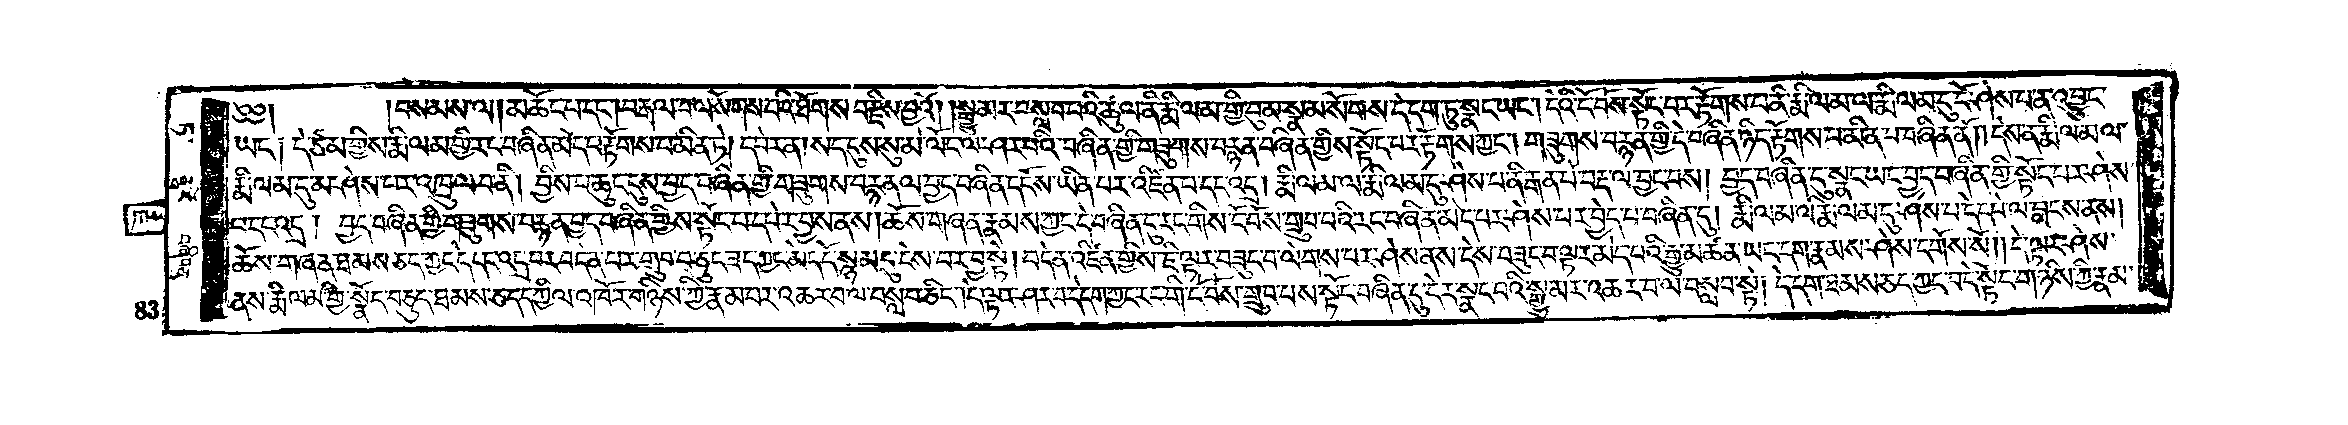༄༅། །བསམས་ལ། མཆོད་པ་དང་། བརྒལ་བ་ལ་སོགས་པའི་ཐོགས་བརྫིས་བྱའོ། །སྒྱུ་མར་བསླབ་པའི་ཚུལ་ནི་རྨི་ལམ་གྱི་བུམ་སྣམ་སོགས་དེ་དག་ཏུ་སྣང་ཡང་། དེའི་ངོ་བོས་སྟོང་པར་རྟོགས་པ་ནི་རྨི་ལམ་ལ་རྨི་ལམ་དུ་ངོ་ཤེས་པ་ན་འབྱུང་
ཡང་། དེ་ཙམ་གྱིས་རྨི་ལམ་གྱི་རང་བཞིན་མེད་པ་རྟོགས་པ་མིན་ཏེ། དཔེར་ན། སད་དུས་སུ་མེ་ལོང་ལ་ཤར་བའི་བཞིན་གྱི་གཟུགས་བརྙན་བཞིན་གྱིས་སྟོང་པར་རྟོགས་ཀྱང་། གཟུགས་བརྙན་གྱི་དེ་བཞིན་ཉིད་རྟོགས་པ་
མིན་པ་བཞིན་ནོ། །དེས་ན་རྨི་ལམ་ལ་
རྨི་ལམ་དུ་མ་ཤེས་པར་འཁྲུལ་བ་ནི། བྱིས་པ་ཆུང་དུས་བྱད་བཞིན་གྱི་གཟུགས་བརྙན་ལ་བྱད་བཞིན་དངོས་ཡིན་པར་འཛིན་པ་དང་འདྲ། རྨི་ལམ་ལ་རྨི་ལམ་དུ་ཤེས་པ་ནི་རྒན་པོ་བརྡ་ལ་བྱང་བས། བྱད་བཞིན་དུ་སྣང་ཡང་བྱད་བཞིན་གྱི་སྟོང་པར་ཤེས་
པ་དང་འདྲ། བྱད་བཞིན་གྱི་གཟུགས་བརྙན་བྱད་བཞིན་གྱིས་སྟོང་པ་དཔེར་བྱས་ནས། ཆོས་གཞན་རྣམས་ཀྱང་དེ་བཞིན་དུ་རང་གིས་ངོ་བོས་གྲུབ་པའི་རང་བཞིན་མེད་པར་ཤེས་པར་བྱེད་པ་བཞིན་དུ། རྨི་ལམ་ལ་རྨི་ལམ་དུ་ཤེས་པ་དེ་དཔེ་ལ་བླངས་ནས།
ཆོས་གཞན་ཐམས་ཅད་ཀྱང་དེ་དང་འདྲ་བར་བདེན་པར་གྲུབ་པ་ཅུང་ཟད་ཀྱང་མེད་དོ་སྙམ་དུ་ངེས་པར་བྱ་སྟེ། བདེན་འཛིན་གྱིས་ཇི་ལྟར་བཟུང་བ་ལེགས་པར་ཤེས་ནས་དེས་བཟུང་བ་ལྟར་མེད་པའི་རྒྱུ་མཚན་ཡང་དག་རྣམས་ཤེས་དགོས་སོ། །དེ་ལྟར་ཤེས་
ནས་རྨི་ལམ་གྱི་སྣོད་བཅུད་ཐམས་ཅད་དཀྱིལ་འཁོར་གཉིས་ཀྱི་རྣམ་པར་འཆར་བ་ལ་བསླབ་ཅིང་། དེ་ལྟར་ཤར་བ་དེ་དག་ཀྱང་རང་གི་ངོ་བོས་གྲུབ་པས་སྟོང་བཞིན་དུ་དེར་སྣང་བའི་སྒྱུ་མར་འཆར་བ་ལ་བསླབ་སྟེ། དེ་དག་ཐམས་ཅད་ཀྱང་བདེ་སྟོང་གཉིས་ཀྱི་རྣམ་